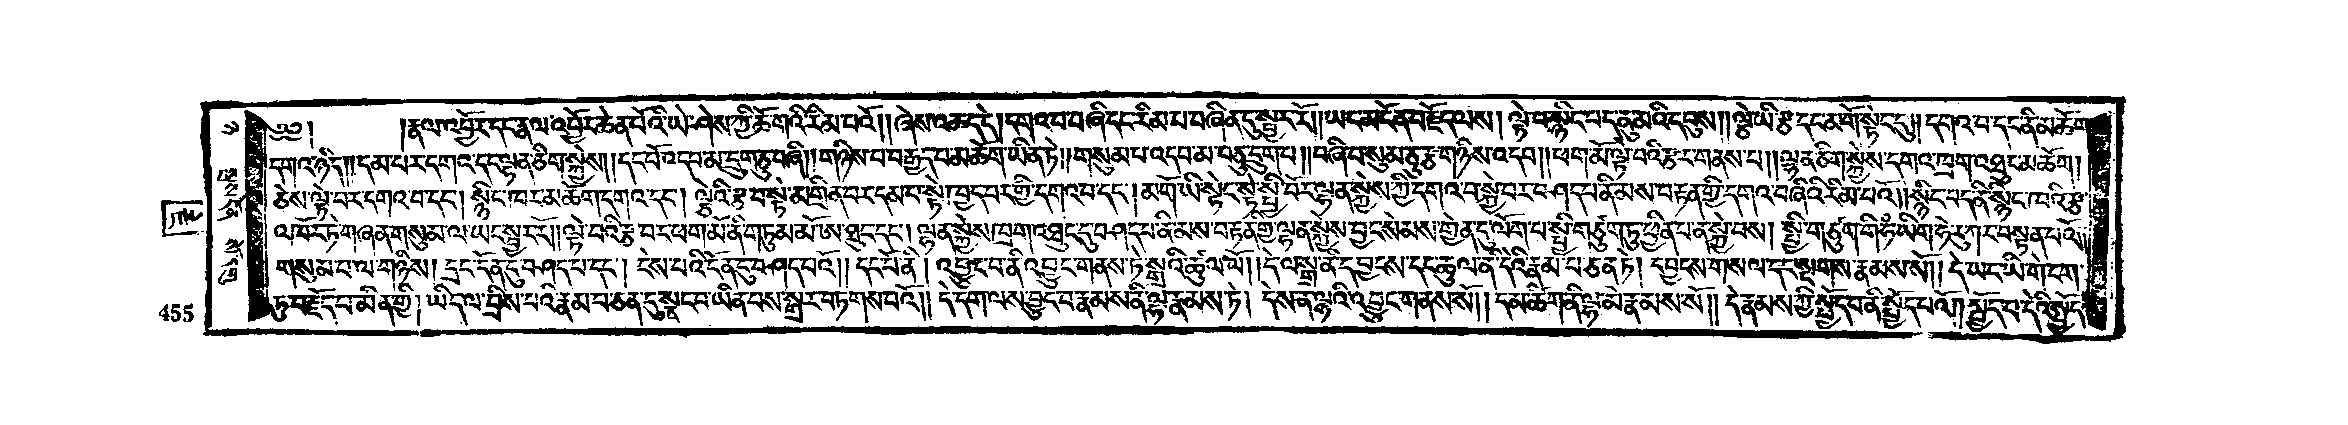༄༅། །རྣལ་འབྱོར་དང་རྣལ་འབྱོར་ཆེན་པོའི་ཡེ་ཤེས་ཀྱི་ཆོ་གའི་རིམ་པའོ། །ཞེས་འཆད་དེ། དགའ་བ་བཞི་དང་རིམ་པ་བཞིན་དུ་སྦྱར་རོ། །ཡང་མངོན་བརྗོད་ལས། ལྟེ་བ་སྙིང་པད་ནུ་མའི་དབུས། །ལྕེ་ཡི་རྩ་དང་མགོ་སྟེང་དུ། །དགའ་བ་དང་ནི་མཆོག་
དགའ་ཉིད། །དམ་པར་དགའ་དང་ལྷན་ཅིག་སྐྱེས། །དང་པོ་འདབ་མ་དྲུག་ཅུ་བཞི། །གཉིས་པ་བརྒྱད་པ་མཆོག་ཡིན་ཏེ། །གསུམ་པ་འདབ་མ་བཅུ་དྲུག་པ། །བཞི་པ་སུམ་ཅུ་རྩ་གཉིས་འདབ། །ཕག་མོ་ལྟེ་བའི་རྩར་གནས་པ། །ལྷན་ཅིག་སྐྱེས་དགའ་ཁྲག་འཐུང་མཆོག །
ཅེས་ལྟེ་བར་དགའ་བ་དང་། སྙིང་ཁར་མཆོག་དགའ་དང་། ལྕེའི་རྩ་བ་སྟེ་མགྲིན་པར་དམ་པ་སྟེ་ཁྱད་པར་གྱི་དགའ་བ་དང་། མགོ་ཡི་སྟེང་སྟེ་སྤྱི་བོར་ལྷན་སྐྱེས་ཀྱི་དགའ་བ་སྐྱེ་བར་བཤད་པ་ནི་མས་བརྟན་གྱི་དགའ་བཞིའི་རིམ་པའོ། །སྙིང་པད་ནི་སྙིང་ཁའི་རྩ་
འཁོར་ཏེ་གཞན་གསུམ་ལ་ཡང་སྦྱར་རོ། །ལྟེ་བའི་རྩ་བར་ཕག་མོ་ནི་གཏུམ་མོ་ཨ་ཐུང་དང་། ལྷན་སྐྱེས་ཁྲག་འཐུང་དུ་བཤད་པ་ནི་མས་བརྟན་གྱི་ལྷན་སྐྱེས་བྱང་སེམས་གྱེན་དུ་ལོག་པ་སྤྱི་གཙུག་ཏུ་ཕྱིན་པ་ན་སྐྱེ་བས། སྤྱི་གཙུག་གི་ཧཾ་ཡིག་ཧེ་རུ་ཀར་བསྟན་པའོ། །
གསུམ་པ་ལ་གཉིས། དྲང་དོན་དུ་བཤད་པ་དང་། ངེས་པའི་དོན་དུ་བཤད་པའོ། །དང་པོ་ནི། འབྱུང་བ་ནི་འབྱུང་གནས་ཏེ་སྒྲའི་ཚུལ་ལོ། །དེ་ལ་སྒྲ་ནི་དབྱངས་དང་ཚུལ་ནི་དེའི་རྣམ་པ་ཅན་ཏེ། དབྱངས་གསལ་དང་སྔགས་རྣམས་སོ། །དེ་ཡང་ཡི་གེ་ངག་
ཏུ་བརྗོད་པ་མིན་གྱི། ཡིད་ལ་བྲིས་པའི་རྣམ་པ་ཅན་དུ་སྣང་བ་ཡིན་པས་སྒྲར་བཏགས་པའོ། །དེ་དག་ལས་བྱུང་བ་རྣམས་ནི་ལྷ་རྣམས་ཏེ། དེས་ན་ལྷའི་འབྱུང་གནས་སོ། །དམ་ཚིག་ནི་ལྷ་མོ་རྣམས་སོ། །དེ་རྣམས་ཀྱི་སྤྱོད་པ་ནི་སྤྱོད་པའོ། །སྤྱོད་པ་དེའི་སྤྱོད་